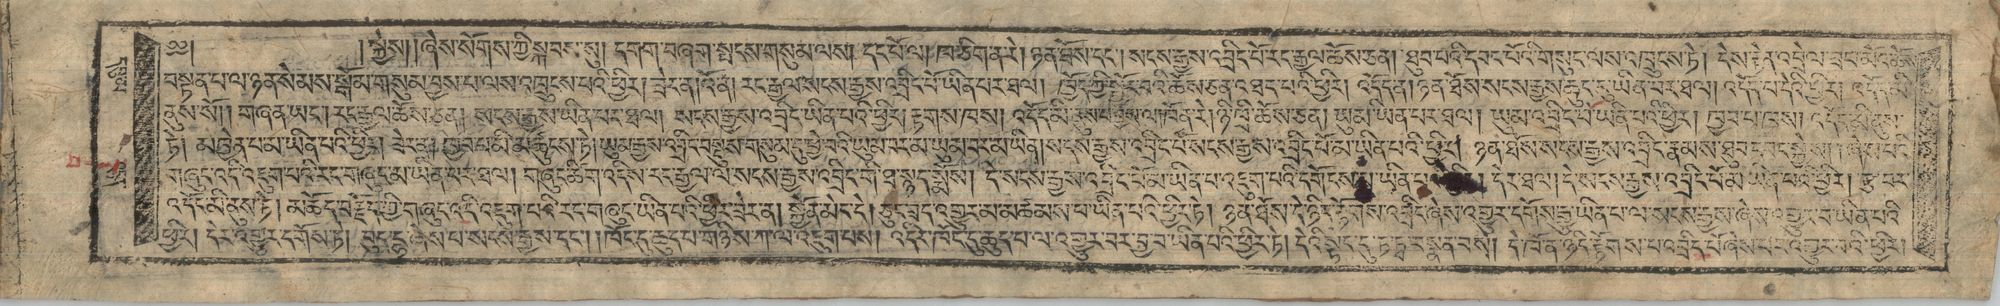༄༅། །སྐྱེས། །ཞེས་སོགས་ཀྱི་སྐབས་སུ། དགག་བཞག་སྤངས་གསུམ་ལས། དང་པོ་ལ། ཁ་ཅིག་ན་རེ། ཉན་ཐོས་དང་། སངས་རྒྱས་འབྲིང་པོ་རང་རྒྱལ་ཆོས་ཅན། ཐུབ་པའི་དབང་པོའི་གསུང་ལས་འཁྲུངས་ཏེ། དེས་རྟེན་འབྲེལ་ཟབ་མོའི་?་ཆོས་
བསྟན་པ་ལ་ཉན་སེམས་སྒོམ་གསུམ་བྱས་པ་ལས་འཁྲུངས་པའི་ཕྱིར། ཟེར་ན། འོ་ན། རང་རྒྱལ་སངས་རྒྱས་འབྲིང་པོ་ཡིན་པར་ཐལ། ཁྱོད་ཀྱི་སྦྱོར་བའི་ཆོས་ཅན་འཐད་པའི་ཕྱིར། འདོད་ན། ཉན་ཐོས་སངས་རྒྱས་ཆུང་དུ་ཡིན་པར་ཐལ། འདོད་པ་དེའི་ཕྱིར། འདོད་མི་
ནུས་སོ། །གཞན་ཡང་། རང་རྒྱལ་ཆོས་ཅན། སངས་རྒྱས་ཡིན་པར་ཐལ། སངས་རྒྱས་འབྲིང་ཡིན་པའི་ཕྱིར། རྟགས་ཁས། འདོད་མི་ནུས་པ་བྱས་ལ། ཁོ་ན་རེ། ཉི་ཁྲི་ཆོས་ཅན། ཡུམ་ཡིན་པར་ཐལ། ཡུམ་འབྲིང་པོ་ཡིན་པའི་ཕྱིར། ཁྱབ་པ་ཁས། འདོད་མི་ནུས་
ཏེ། མཁྱེན་པ་མ་ཡིན་པའི་ཕྱིར། ཟེར་ན། ཁྱབ་པ་མི་མཚུངས་ཏེ། ཡུམ་རྒྱས་འབྲིང་བསྡུས་གསུམ་དུ་ཕྱེ་བའི་ཡུམ་བར་མ་ཡུམ་བར་མ་ཡིན། སངས་རྒྱས་འབྲིང་པོ་སངས་རྒྱས་འབྲིང་པོ་མ་ཡིན་པའི་ཕྱིར། ཉན་ཐོས་སངས་རྒྱས་འབྲིང་རྣམས་ཐུབ་དབང་སྐྱེས། །ཞེས་པའི་
གཞུང་འདི་འཇུག་པའི་རང་གཞུང་མ་ཡིན་པར་ཐལ། གཞུང་ཚིག་འདིས་རང་རྒྱལ་ལ་སངས་རྒྱས་འབྲིང་གི་ཐ་སྙད་སྨོས། དེ་སངས་རྒྱས་འབྲིང་པོ་མ་ཡིན་པ་འཇུག་པའི་དགོངས་པ་ཡིན་པའི་ཕྱིར། དེར་ཐལ། དེ་སངས་རྒྱས་འབྲིང་པོ་མ་ཡིན་པའི་ཕྱིར། རྩ་བར་
འདོད་མི་ནུས་ཏེ། མཆོད་བརྗོད་ཀྱི་གཞུང་འདི་འཇུག་པའི་རང་གཞུང་ཡིན་པའི་ཕྱིར་ཟེར་ན། སྐྱོན་མེད་དེ། ཅུང་ཟད་འགྱུར་མ་མཚམས་པ་ཡིན་པའི་ཕྱིར་ཏེ། ཉན་ཐོས་དེ་ཉིད་རྟོགས་འབྲིང་ཞེས་འགྱུར་དགོས་རྒྱུ་ཡིན་པ་ལ་སངས་རྒྱས་ཞེས་འགྱུར་བ་ཡིན་པའི་
ཕྱིར། དེར་འགྱུར་དགོས་ཏེ། བུད་དྷ་ཞེས་པ་སངས་རྒྱས་དང་། །ཁོང་དུ་ཆུད་པ་གཉིས་ཀ་ལ་འཇུག་པས། འདིར་ཁོང་དུ་ཆུད་པ་ལ་འགྱུར་བར་བྱ་བ་ཡིན་པའི་ཕྱིར་ཏེ། དེའི་སྟེང་དུ་ཏ་ཏྭ་བསྣན་པས། དེ་ཁོ་ན་ཉིད་རྟོགས་པ་འབྲིང་པོ་ཞེས་པར་འགྱུར་བའི་ཕྱིར།